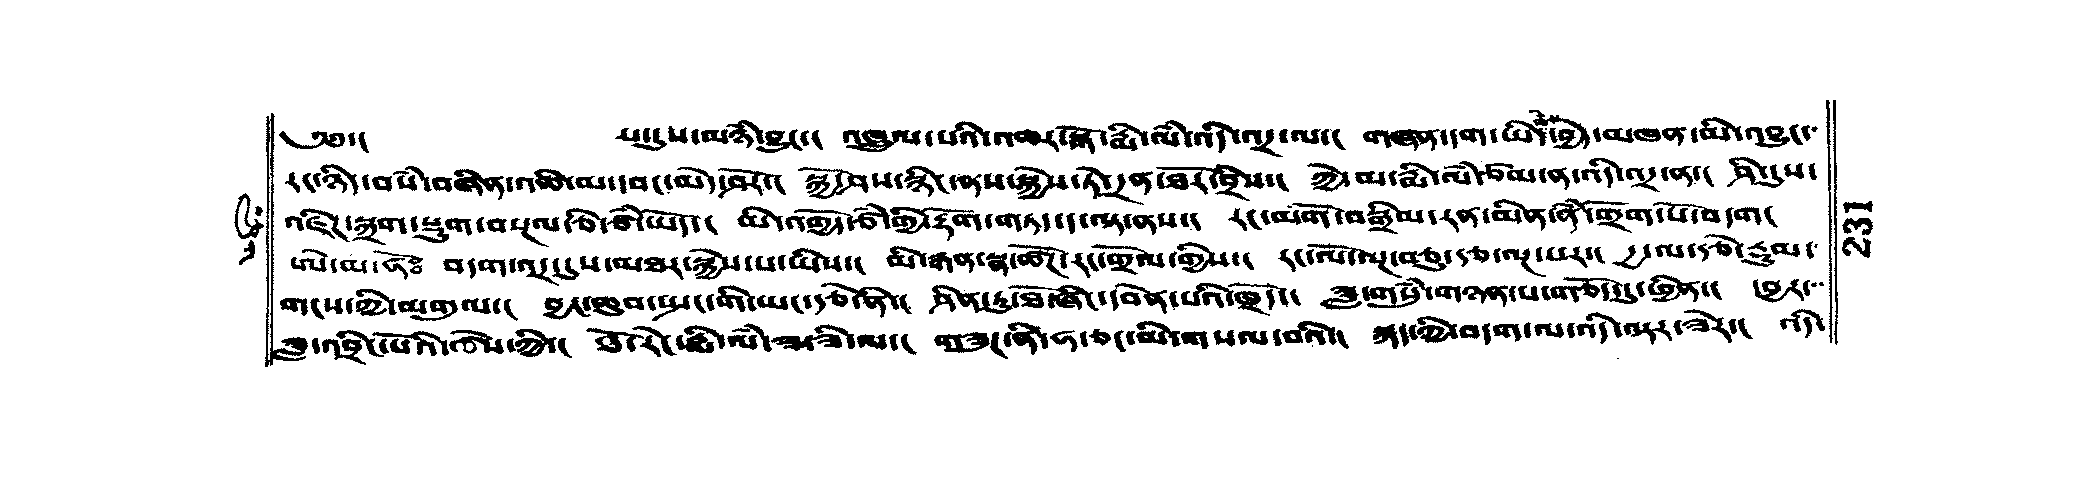པ་དུས་མཉམ་བྱུང་། །འཁྲུལ་པའི་འཆར་སྒོ་རྨི་ལམ་འདི་འདྲ་ལ། །གཞན་དག་ཡིད་ཆེས་བྱེད་མཁན་མི་འབྱུང་བས། །
རང་ཉིད་བསམ་བཞིན་མཆི་མ་དབང་མེད་ཤོར། །སྐྱོ་ཤས་སྙིང་ནས་སྐྱེས་ཏེ་དྲན་ཐོར་བྲིས། །ཀྱེ་མ་རྨི་ལམ་ཙམ་ན་འདི་འདྲ་ན། །ཤི་དུས་
འཇིགས་སྐྲག་སྡུག་བསྔལ་ཅི་ཙམ་ཡོད། །མི་འགྱོད་ཙམ་གྱི་རྟོག་གཏད་ད་ལྟ་ནས། །རང་མགོ་བསྒྲིམ་རན་མིན་ནམ་གྲོགས་པོ་བདག།
ཨེ་མ་ཧོ། བདག་འདྲ་དུས་མཐར་སྐྱེས་པ་ཡིས། །མི་རྒན་སྣ་ཚོགས་རང་གྲོལ་གྱིས། །རངལོ་ལྔ་བཅུ་རྩ་ལྔ་པར། །རྒྱ་ལ་རྩ་རྡུམ་
གངས་ཀྱི་མགུལ། །བྱང་ཆུབ་སྤང་གི་ཡང་རྩེ་ནི། །ཤིན་ཏུ་མ་ཐོ་ཞིང་དབེན་པའི་ཁྲོད། །ཟླ་གསུམ་གཉན་པ་གཅོད་དུ་ཕྱིན། །དབྱར་
ཟླ་འབྲིང་པོའི་ཚེས་ཀྱི། །ཐོ་རེང་རྨི་ལམ་ཟ་ཟི་ལ། །གཟུགས་ནི་ཧ་ཅང་མི་གསལ་བའི། །སྐད་ཀྱི་བདག་ལ་འདི་ལྟར་ཟེར། །འདི་